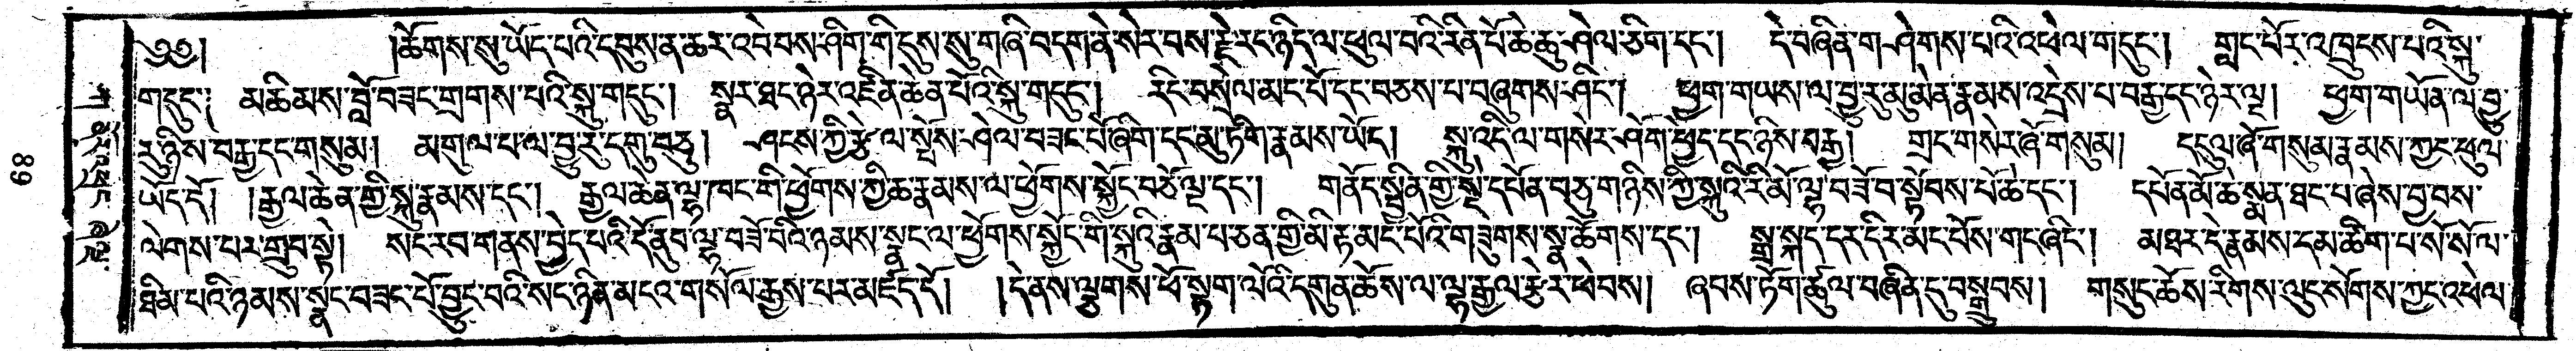༄༅། །ཆོགས་སུ་ཡོད་པའི་དབུས་ན་ཆར་འབེབས་ཤིག་གི་དུས་སུ་གཞི་བདག་ནེ་སེར་བས་རྗེ་རང་ཉིད་ལ་ཕུལ་བའི་རིན་པོ་ཆེ་ཆུ་ཤེལ་ཅིག་དང་། དེ་བཞིན་གཤེགས་པའི་འཕེལ་གདུང་། གླང་པོར་འཁྲུངས་པའི་སྐུ་
གདུང༑ མཆིམས་བློ་བཟང་གྲགས་པའི་སྐུ་གདུང་། སྣར་ཐང་ཉེར་འཛིན་ཆེན་པོའི་སྐུ་གདུང་། རིང་བསྲེལ་མང་པོ་དང་བཅས་པ་བཞུགས་ཤིང་། ཕྱག་གཡས་ལ་བྱུ་རུ་མུ་མེན་རྣམས་འདྲེས་པ་བརྒྱ་དང་ཉེར་ལྔ། ཕྱག་གཡོན་ལ་བྱུ་
རུ་ཉིས་བརྒྱ་དང་གསུམ། མགུལ་པ་ལ་བྱུ་རུ་དགུ་བཅུ། ཤངས་ཀྱི་རྩེ་ལ་སྤོས་ཤེལ་བཟང་པོ་ཞིག་དང་མུ་ཏིག་རྣམས་ཡོད། སྐུ་འདི་ལ་གསེར་ཤོག་ཕྱེད་དང་ཉིས་བརྒྱ། གྲང་གསེར་ཞོ་གསུམ། དངུལ་ཞོ་གསུམ་རྣམས་ཀྱང་ཕུལ་
ཡོད་དོ། །རྒྱལ་ཆེན་གྱི་སྐུ་རྣམས་དང་། རྒྱལ་ཆེན་ལྷ་ཁང་གི་ཕྱོགས་ཀྱི་ཆ་རྣམས་ལ་ཕྱོགས་སྐྱོང་བཅོ་ལྔ་དང་། གནོད་སྦྱིན་གྱི་སྡེ་དཔོན་བཅུ་གཉིས་ཀྱི་སྐུའི་རི་མོ་ལྷ་བཟོ་བ་སྟོབས་པོ་ཆེ་དང་། དཔོན་མོ་ཆེ་སྨན་ཐང་པ་ཞེས་བྱ་བས་
ལེགས་པར་གྲུབ་སྟེ། སང་རབ་གནས་བྱེད་པའི་དོ་ནུབ་ལྷ་བཟོ་བའི་ཉམས་སྣང་ལ་ཕྱོགས་སྐྱོང་གི་སྐུའི་རྣམ་པ་ཅན་གྱི་མི་རྟ་མང་པོའི་གཟུགས་སྣ་ཚོགས་དང་། སྒྲ་སྐད་དར་དིར་མང་པོས་གང་ཞིག། མཐར་དེ་རྣམས་དམ་ཚིག་པ་སོ་སོ་ལ་
ཐིམ་པའི་ཉམས་སྣང་བཟང་པོ་བྱུང་བའི་སང་ཉིན་མངའ་གསོལ་རྒྱས་པར་མཛད་དོ། །དེ་ནས་ལྕགས་ཕོ་སྟག་ལོའི་དགུན་ཆོས་ལ་ལྷ་རྒྱལ་རྩེར་ཕེབས། ཞབས་ཏོག་ཚུལ་བཞིན་དུ་བསྒྲུབས། གསུང་ཆོས་རིགས་ལུང་སོགས་ཀྱང་འཕེལ་